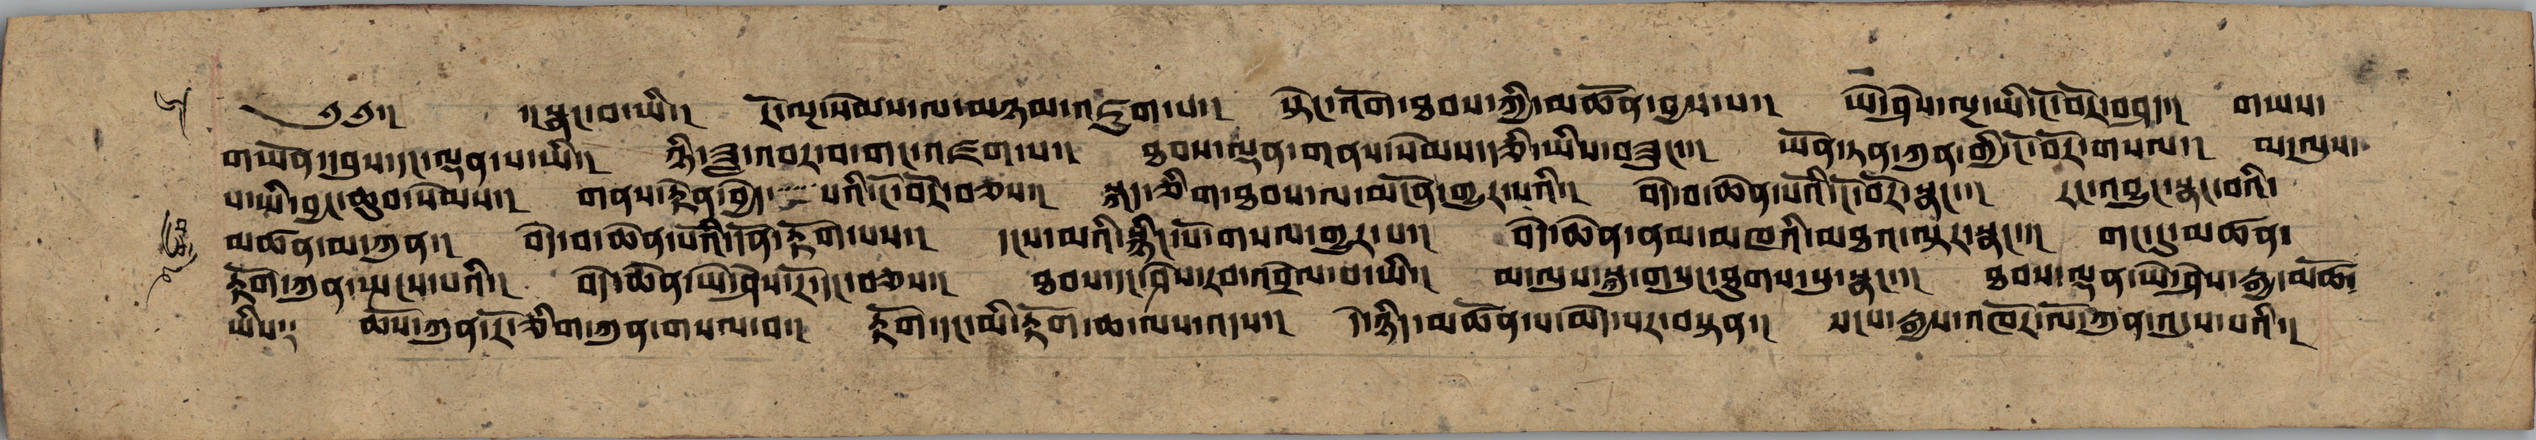༄༅་། ་།སྣང་བ་ཡི་། རོ་ལྔ་སེམས་ལ་མཉམ་འཇུག་པ་། སྟེང་འོག་ཐབས་ཀྱི་མཚོན་བྱས་པ་། ཡེ་ཤེས་ལྔ་ཡི་ངོ་བོར་བཤད་། གཡས་
གཡོན་དབུས་དང་ལྡན་པ་ཡི་། ཉི་ཟླ་འབར་བ་གང་འཛག་པ་། ཐབས་ལྡན་གནས་སེམས་རྩི་ཡིས་བཟུང་་། ཡོན་ཏན་ཀུན་གྱི་ངོ་བོར་གསལ་། མ་ལུས་
པ་ཡི་བྱང་ཆུབ་སེམས་། གནས་རྟེན་བྱེད་་་་པའི་ངོ་བོར་བཅས་། སྐད་ཅིག་ཐབས་ལ་མངོན་གྱུར་པའི་། བདེ་བ་ཆེན་པོའི་ངོ་བོར་སྣང་་། རང་འབྱུང་སྣང་བའི་
མཚན་མ་ཀུན་། བདེ་བ་ཆེན་པོའི་དོན་རྟོག་པས་། དངས་མའི་སྙིང་པོ་གསལ་གྱུར་པ་། བདེ་ཆེན་ནམ་མཁའི་མཐའ་ལྟར་སྣང་་། གང་དུ་མཚན་
རྟོག་ཀུན་སྤངས་པའི་། བདེ་ཆེན་ཡེ་ཤེས་རོ་དང་བཅས་། ཐབས་དང་ཤེས་རབ་འབྲེལ་བ་ཡི་། མ་ལུས་སྐུ་གསུང་ཐུགས་སུ་སྣང་་། ཐབས་ལྡན་ཡེ་ཤེས་རྒྱ་མཚོ་
ཡིས༑ ཆོས་ཀུན་རོ་ཅིག་ཀུན་གསལ་བ་། རྟོག་དང་མི་རྟོག་ཆ་ལས་འདས་། དེ་ཉིད་མཚོན་པ་མེད་པར་བསྟན་། སངས་རྒྱས་འཁོར་ལོ་ཀུན་འདུས་པའི་།